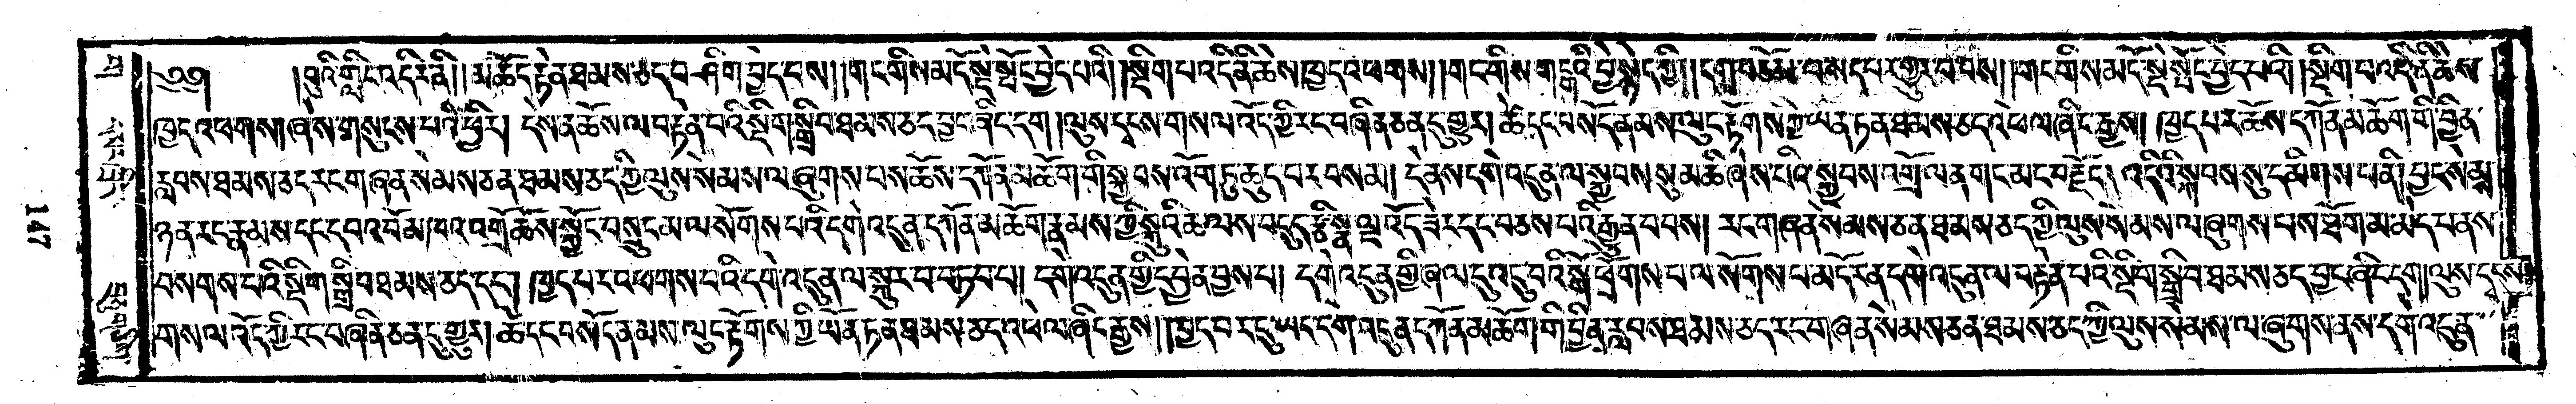༄༅། །བུའི་གླིང་འདིར་ནི། །མཆོད་རྟེན་ཐམས་ཅད་བཤིག་བྱེད་པས། །གང་གིས་མདོ་སྡེ་སྤོང་བྱེད་པའི། །སྡིག་པ་འདི་ནི་ཆེས་ཁྱད་འཕགས། །གང་གིས་གངྒའི་བྱེ་སྙེད་ཀྱི། །དགྲ་བཅོམ་པ་སད་པར་གྱུར་བ་བས། །གང་གིས་མདོ་སྡེ་སྤོང་བྱེད་པའི། །སྡིག་པ་འདི་ནི་ཆེས་
ཁྱད་འཕགས། ཞེས་གསུངས་པའི་ཕྱིར། དེས་ན་ཆོས་ལ་བརྟེན་པའི་སྡིག་སྒྲིབ་ཐམས་ཅད་བྱང་ཞིང་དག །ལུས་དྭངས་གསལ་འོད་ཀྱི་རང་བཞིན་ཅན་དུ་གྱུར། ཚེ་དང་བསོད་ནམས་ལུང་རྟོགས་ཀྱི་ཡོན་ཏན་ཐམས་ཅད་འཕེལ་ཞིང་རྒྱས། ཁྱད་པར་ཆོས་དཀོན་མཆོག་གི་བྱིན་
རླབས་ཐམས་ཅད་རང་གཞན་སེམས་ཅན་ཐམས་ཅད་ཀྱི་ལུས་སེམས་ལ་ཞུགས་པས་ཆོས་དཀོན་མཆོག་གི་སྐྱབས་འོག་ཏུ་ཆུད་པར་བསམ། དེ་ནས་དགེ་འདུན་ལ་སྐྱབས་སུ་མཆི་ཞེས་པའི་སྐྱབས་འགྲོ་ལན་གང་མང་བརྗོད། འདིའི་སྐབས་སུ་དམིགས་པ་ནི། བྱང་སེམས་
ཉན་རང་རྣམས་དང་དཔའ་བོ་མཁའ་འགྲོ་ཆོས་སྐྱོང་བསྲུང་མ་ལ་སོགས་པའི་དགེ་འདུན་དཀོན་མཆོག་རྣམས་ཀྱི་སྐུའི་ཆ་ལས་བདུད་རྩི་སྣ་ལྔ་འོད་ཟེར་དང་བཅས་པའི་རྒྱུན་བབས། རང་གཞན་སེམས་ཅན་ཐམས་ཅད་ཀྱི་ལུས་སེམས་ལ་ཞུགས་པས་ཐོག་མ་མེད་པ་ནས་
བསགས་པའི་སྡིག་སྒྲིབ་ཐམས་ཅད་དང་། ཁྱད་པར་འཕགས་པའི་དགེ་འདུན་ལ་སྐུར་བ་བཏབ་པ། དགེ་འདུན་གྱི་དབྱེན་བྱས་པ། དགེ་འདུང་ཡི་ཞལ་དུ་འདུ་བའི་སྒོ་ཕྲོགས་པ་ལ་སོགས་པ་མདོར་ན་དགེ་འདུན་ལ་བརྟེན་པའི་སྡིག་སྒྲིབ་ཐམས་ཅད་བྱང་ཞིང་དག །ལུས་དྭངས་
གསལ་འོད་ཀྱི་རང་བཞིན་ཅན་དུ་གྱུར། ཚེ་དང་བསོད་ནམས་ལུང་རྟོགས་ཀྱི་ཡོན་ཏན་ཐམས་ཅད་འཕེལ་ཞིང་རྒྱས། ཁྱད་བར་དུ་ཡང་དགེ་འདུན་དཀོན་མཆོག་གི་བྱིན་རླབས་ཐམས་ཅད་རང་གཞན་སེམས་ཅན་ཐམས་ཅད་ཀྱི་ལུས་སེམས་ལ་ཞུགས་ནས་དགེ་འདུན་